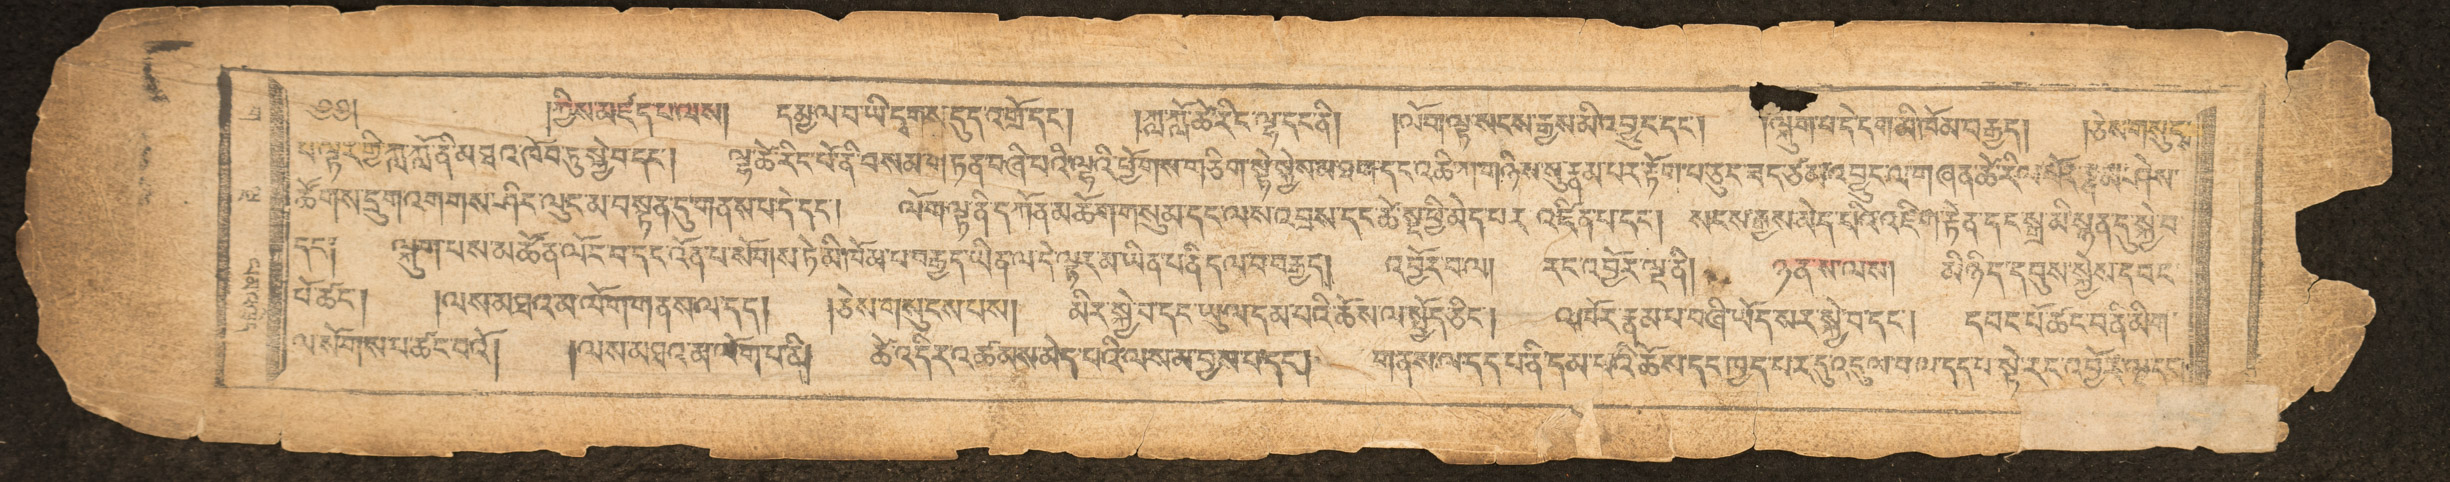༄༅། །ཀྱིས་མཛད་པ་ལས། དམྱལ་བ་ཡི་དྭགས་དུད་འགྲོ་དང་། །ཀླ་ཀློ་ཚེ་རིང་ལྷ་དང་ནི། །ལོག་ལྟ་སངས་རྒྱས་མི་འབྱུང་དང་། །ལྐུག་པ་དེ་དག་མི་ཁོམ་བརྒྱད། །ཅེས་གསུངས་
པ་ལྟར་གྱི་ཀླ་ཀློ་ནི་མཐའ་ཁོབ་ཏུ་སྐྱེ་བ་དང་། ལྷ་ཚེ་རིང་པོ་ནི་བསམ་གཏན་བཞི་པའི་ལྷའི་ཕྱོགས་གཅིག་སྟེ་སྐྱེས་མ་ཐག་དང་འཆི་ཀ་གཉིས་སུ་རྣམ་པར་རྟོག་པ་ཅུང་ཟད་ཙམ་འབྱུང་ལ་གཞན་ཚེ་རིལ་པོར་རྣམ་ཤེས་
ཚོགས་དྲུག་འགགས་ཤིང་ལུང་མ་བསྟན་དུ་གནས་པ་དེ་དང་། ལོག་ལྟ་ནི་དཀོན་མཆོག་གསུམ་དང་ལས་འབྲས་དང་ཚེ་སྔ་ཕྱི་མེད་པར་འཛིན་པ་དང་། སངས་རྒྱས་མེད་པའི་འཇིག་རྟེན་དང་སྒྲ་མི་སྙན་དུ་སྐྱེ་བ་
དང༑ ལྐུག་པས་མཚོན་ལོང་བ་དང་འོན་པ་སོགས་ཏེ་མི་ཁོམ་པ་བརྒྱད་ཡིན་ལ་དེ་ལྟར་མ་ཡིན་པ་ནི་དལ་བ་བརྒྱད། འབྱོར་བ་ལ། རང་འབྱོར་ལྔ་ནི། ཉན་ས་ལས། མི་ཉིད་དབུས་སྐྱེས་དབང་
པོ་ཚང་། །ལས་མཐའ་མ་ལོག་གནས་ལ་དད། །ཅེས་གསུངས་པས། མིར་སྐྱེ་བ་དང་ཡུལ་དམ་པའི་ཆོས་ལ་སྤྱོད་ཅིང་། འཁོར་རྣམ་པ་བཞི་ཡོད་སར་སྐྱེ་བ་དང་། དབང་པོ་ཚང་བ་ནི་མིག་
ལ་སོགས་པ་ཚང་བའོ། །ལས་མཐའ་མ་ལོག་པ་ནི། ཚེ་འདིར་འཚམས་མེད་པའི་ལས་མ་བྱས་པ་དང་། གནས་ལ་དད་པ་ནི་དམ་པའི་ཆོས་དང་ཁྱད་པར་དུ་འདུལ་བ་ལ་དད་པ་སྟེ་རང་འབྱོར་ལྔ་དག་